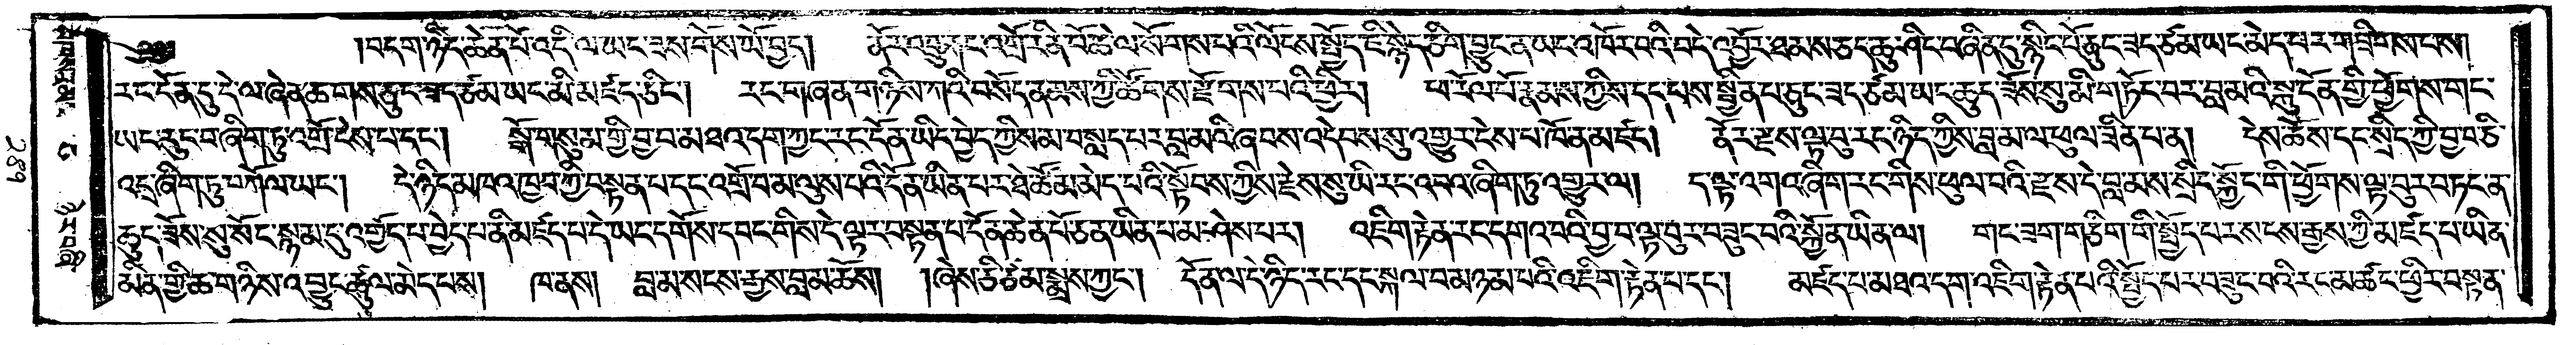༄༅། །བདག་ཉིད་ཆེན་པོ་འདི་ལ་ཡང་ཟས་གོས་ཡོ་བྱད། ནོར་འབྲུ་རྐང་འགྲོ་རིན་པོ་ཆེ་ལ་སོགས་པའི་ལོངས་སྤྱོད་ཇི་སྙེད་ཅིག་བྱུང་ན་ཡང་འཁོར་བའི་བདེ་འབྱོར་ཐམས་ཅད་ཆུ་ཤིང་བཞིན་དུ་སྙིང་པོ་ཅུང་ཟད་ཙམ་ཡང་མེད་པར་གཟིགས་པས།
རང་དོན་དུ་དེ་ལ་ཞེན་ཆགས་ཅུང་ཟད་ཙམ་ཡང་མི་མཛད་ཅིང་། རང་གཞན་གཉིས་ཀའི་བསོད་ནམས་ཀྱི་ཚོགས་རྫོགས་པའི་ཕྱིར། ཕ་རོལ་པོ་རྣམས་ཀྱིས་དད་པས་སྦྱིན་པ་ཅུང་ཟད་ཙམ་ཡང་ཆུད་ཟོས་སུ་མི་གཏོང་བར་བླ་མའི་སྐུ་དོན་གྱི་ཕྱོགས་གང་
ཡང་རུང་བ་ཞིག་ཏུ་འགྲོ་ངེས་པ་དང་། སྒོ་གསུམ་གྱི་བྱ་བ་མཐའ་དག་ཀྱང་རང་དོན་ཡིད་བྱེད་ཀྱིས་མ་བསླད་པར་བླ་མའི་ཞབས་འདེབས་སུ་འགྱུར་ངེས་པ་ཁོ་ན་མཛད། ནོར་རྫས་ལྟ་བུ་རང་ཉིད་ཀྱིས་བླ་མ་ལ་ཕུལ་ཟིན་པ་ན། དེས་ཆོས་དང་སྲིད་ཀྱི་བྱ་བ་ཅི་
འདྲ་ཞིག་ཏུ་བཀོལ་ཡང་། དེ་ཉིད་མཁའ་ཁྱབ་ཀྱི་བསྟན་པ་དང་འགྲོ་བ་མ་ལུས་པའི་དོན་ཡིན་པར་ཐེ་ཚོམ་མེད་པའི་སྟོབས་ཀྱིས་རྗེས་སུ་ཡི་རང་འབའ་ཞིག་ཏུ་འགྱུར་ལ། ད་ལྟ་འགའ་ཞིག་རང་གིས་ཕུལ་བའི་རྫས་དེ་བླ་མས་སྲིད་སྐྱོང་གི་ཕྱོགས་ལྟ་བུར་བཏང་ན་
ཆུད་ཟོས་སུ་སོང་སྙམ་དུ་འགྱོད་པ་བྱེད་པ་ནི་མཛད་པ་དེ་ཡང་དགོས་དབང་གིས་དེ་ལྟར་བསྟན་པ་དོན་ཆེན་པོ་ཆེན་ཡིན་པ་མ་ཤེས་པར། འཇིག་རྟེན་རང་དགའ་བའི་བྱ་བ་ལྟ་བུར་བཟུང་བའི་སྐྱོན་ཡིན་ལ། གང་ཟག་གཅིག་གི་སྤྱོད་པར་སངས་རྒྱས་ཀྱི་མཛད་པ་ཡིན་
མིན་གྱི་ཆ་གཉིས་འབྱུང་ཚུལ་མེད་པས། ཁ་ནས། བླ་མ་སངས་རྒྱས་བླ་མ་ཆོས། །ཞེས་ཅི་ཙམ་སྨྲས་ཀྱང་། དོན་ལ་དེ་ཉིད་རང་དང་སྐལ་བ་མཉམ་པའི་འཇིག་རྟེན་པ་དང་། མཛད་པ་མཐའ་དག་འཇིག་རྟེན་པའི་སྤྱོད་པར་བཟུང་བའི་རང་མཚང་ཕྱིར་བསྟན་